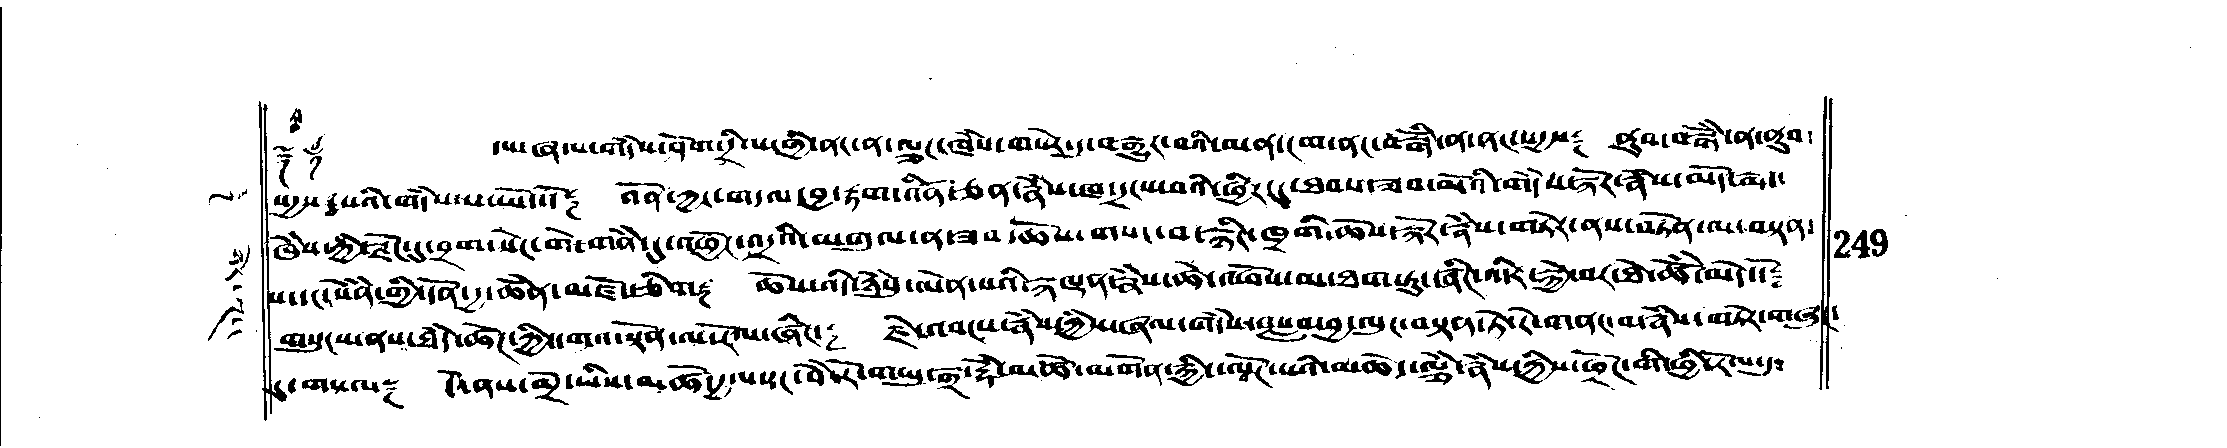ལ་ཞལ་གདམས་ཤོག་དྲིལ་གྱི་ནང་ན་ལྕགས་ཁམས་གསེར་དུ་བསྒྱུར་བའི་མན་ངག་ནངས་བསྒོམ་ན་ནང་སངས་རྒྱས། ནུབ་བསྒོམ་ན་ནུབ་
སངས་རྒྱས་པའི་གདམས་པ་ཡོད་དོ། འོན་ཀྱང་གདུལ་བྱ་རྟག་འཛིན་ཅན་རྣམས་ཁ་དྲང་བའི་ཕྱིར་དུ་ཐབས་ཟབ་མོའི་གདམས་སྐོར་རྣམས་མདོ་སྨད་
ཁམས་ཀྱི་རྫོང་དུ་བྲག་སེང་གེ་གནམ་དུ་འཕྱོང་འདྲའི་མགུལ་ན་ཟབ་ཆོས་གསང་བ་སྙིང་ཁྲག་གི་ཆོས་སྐོར་རྣམས་གཏེར་ནས་བཏོན་ལ་བསྟན་
པ་དང་སེམས་ཅན་གྱི་དོན་རྒྱ་ཆེན་པོ་མཛོད་ཅིག ཆོས་འདི་ཉམས་སུ་ལེན་པའི་སྐལ་ལྡན་རྣམས་ཚེ་འཕོས་མ་ཐག་ཏུ་ཞིང་འདིར་སྐྱེ་བར་ཐེ་ཚོམ་མེད་དོ། 
གསུངས་ནས་ཐམས་ཅད་ཚོགས་ཀྱི་དགའ་སྟོན་ལ་རོལ་ཞིང་། རྗེ་འབངས་རྣམས་ཀྱིས་ཞལ་གདམས་བསླབ་བྱ་ལུང་བསྟན་རེ་རེ་གནང་བ་རྣམས་གཏེར་གཞུང་
དུ་གསལ། དེ་ནས་མཁའ་འགྲོ་ཡེ་ཤེས་མཚོ་རྒྱལ་དང་བཻ་རོ་གཡུ་སྒྲ་རྡོ་རྗེ་མཚོ་མགོན་སྐྱིད་ལ་སོགས་པའི་མཆེད་ལྕམ་རྣམས་ཀྱིས་ཕོ་བྲང་གི་ཕྱི་རོལ་དུ་